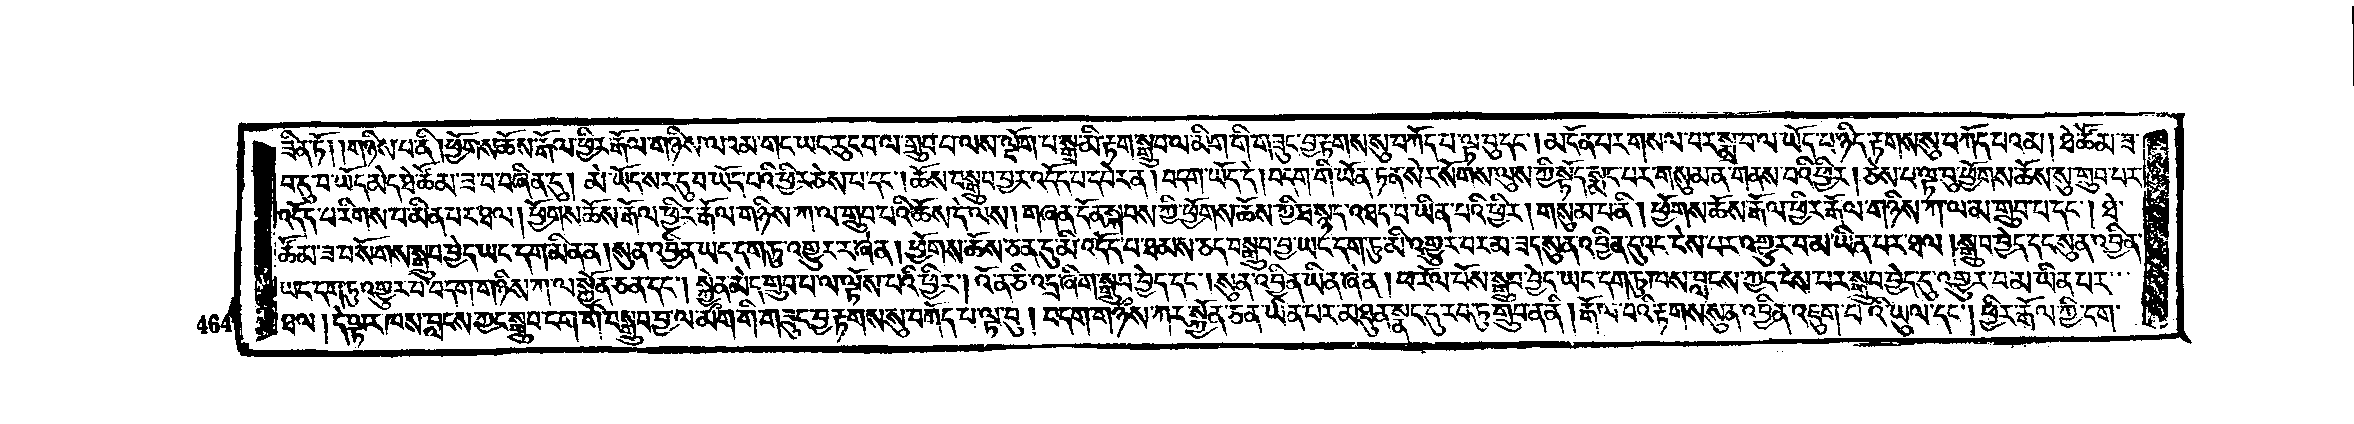ཟིན་ཏོ། །གཉིས་པ་ནི། ཕྱོགས་ཆོས་རྒོལ་ཕྱིར་རྒོལ་གཉིས་ལའམ་གང་ཡང་རུང་བ་ལ་གྲུབ་པ་ལས་གྲུབ་པ་ལས་ལྡོག་པ་སྒྲ་མི་རྟག་སྒྲུབ་ལ་མིག་གི་གཟུང་བྱ་རྟགས་སུ་བཀོད་པ་ལྟ་བུ་དང་། མངོན་པར་གསལ་བར་སྨྲ་བ་ལ་ཡོད་པ་ཉིད་རྟགས་སུ་བཀོད་པའམ། ཐེ་ཚོམ་ཟ་
བ་དུ་ཡོད་མེད་ཐེ་ཚོམ་ཟ་བ་བཞིན་དུ། མེ་ཡོད་སར་དུ་བ་ཡོད་པའི་ཕྱིར་ཅེས་པ་དང་། ཆོས་བསྒྲུབ་བྱར་འདོད་པ་དཔེར་ན། བདག་ཡོད་དེ། བདག་གི་ཡོན་ཏན་སེར་སོགས་ལུས་ཀྱི་སྟོད་སྨད་པར་གསུམ་ན་གནས་པའི་ཕྱིར། ཅེས་པ་ལྟ་བུ་ཕྱོགས་ཆོས་སུ་གྲུབ་པར་
འདོད་པ་རིགས་པ་མིན་པར་ཐལ། ཕྱོགས་ཆོས་རྒོལ་གཉིས་ཀ་ལ་གྲུབ་པའི་ཆོས་དེ་ལས། གཞན་དོན་སྐབས་ཀྱི་ཐ་སྙད་འཐད་པ་ཡིན་པའི་ཕྱིར། གསུམ་པ་ནི། ཕྱོགས་ཆོས་རྒོལ་ཕྱིར་རྒོལ་གཉིས་ཀ་ལ་མ་གྲུབ་པ་དང་། ཐེ་
ཚོམ་ཟ་བ་སོགས་སྒྲུབ་བྱེད་ཡང་དག་མིན་ན། སུན་འབྱིན་ཡང་དག་ཏུ་འགྱུར་ར་ཞེ་ན། ཕྱོགས་ཆོས་ཅན་དུ་མི་འདོད་པ་ཐམས་ཅད་བསྒྲུབ་བྱ་ཡང་དག་ཏུ་མི་འགྱུར་བར་མ་ཟད་སུན་འབྱིན་དུའང་ངེས་པར་འགྱུར་པ་མ་ཡིན་པར་ཐལ། སྒྲུབ་བྱེད་དང་སུན་འབྱིན་
ཡང་དག་ཏུ་འགྱུར་བ་བདག་གཉིས་ཀ་ལ་སྐྱོན་ཅན་དང་། སྐྱོན་མེད་གྲུབ་པ་ལ་ལྟོས་པའི་ཕྱིར། འོ་ན་ཅི་འདྲ་ཞིག་སྒྲུབ་བྱེད་དང་། སུན་འབྱིན་ཡིན་ཞེ་ན། ཕ་རོལ་པོས་སྒྲུབ་བྱེད་ཡང་དག་ཏུ་ཁས་བླངས་ཀྱང་ངེས་པར་སྒྲུབ་བྱེད་དུ་འགྱུར་བ་མ་ཡིན་པར་
ཐལ། དེ་ལྟར་ཁས་བླངས་ཀྱང་སྒྲུབ་ངག་གི་བསྒྲུབ་བྱ་ལ་མིག་གི་གཟུང་བྱ་རྟགས་སུ་བཀོད་པ་ལྟ་བུ། བདག་གཉིས་ཀར་སྐྱོན་ཅན་ཡིན་པར་མཐུན་སྣང་དུ་རབ་ཏུ་གྲུབ་ན་ནི། རྒོལ་བའི་རྟགས་སུ་འབྱིན་འཇུག་པའི་ཡུལ་དང་། ཕྱིར་རྒོལ་ཀྱི་ངག་